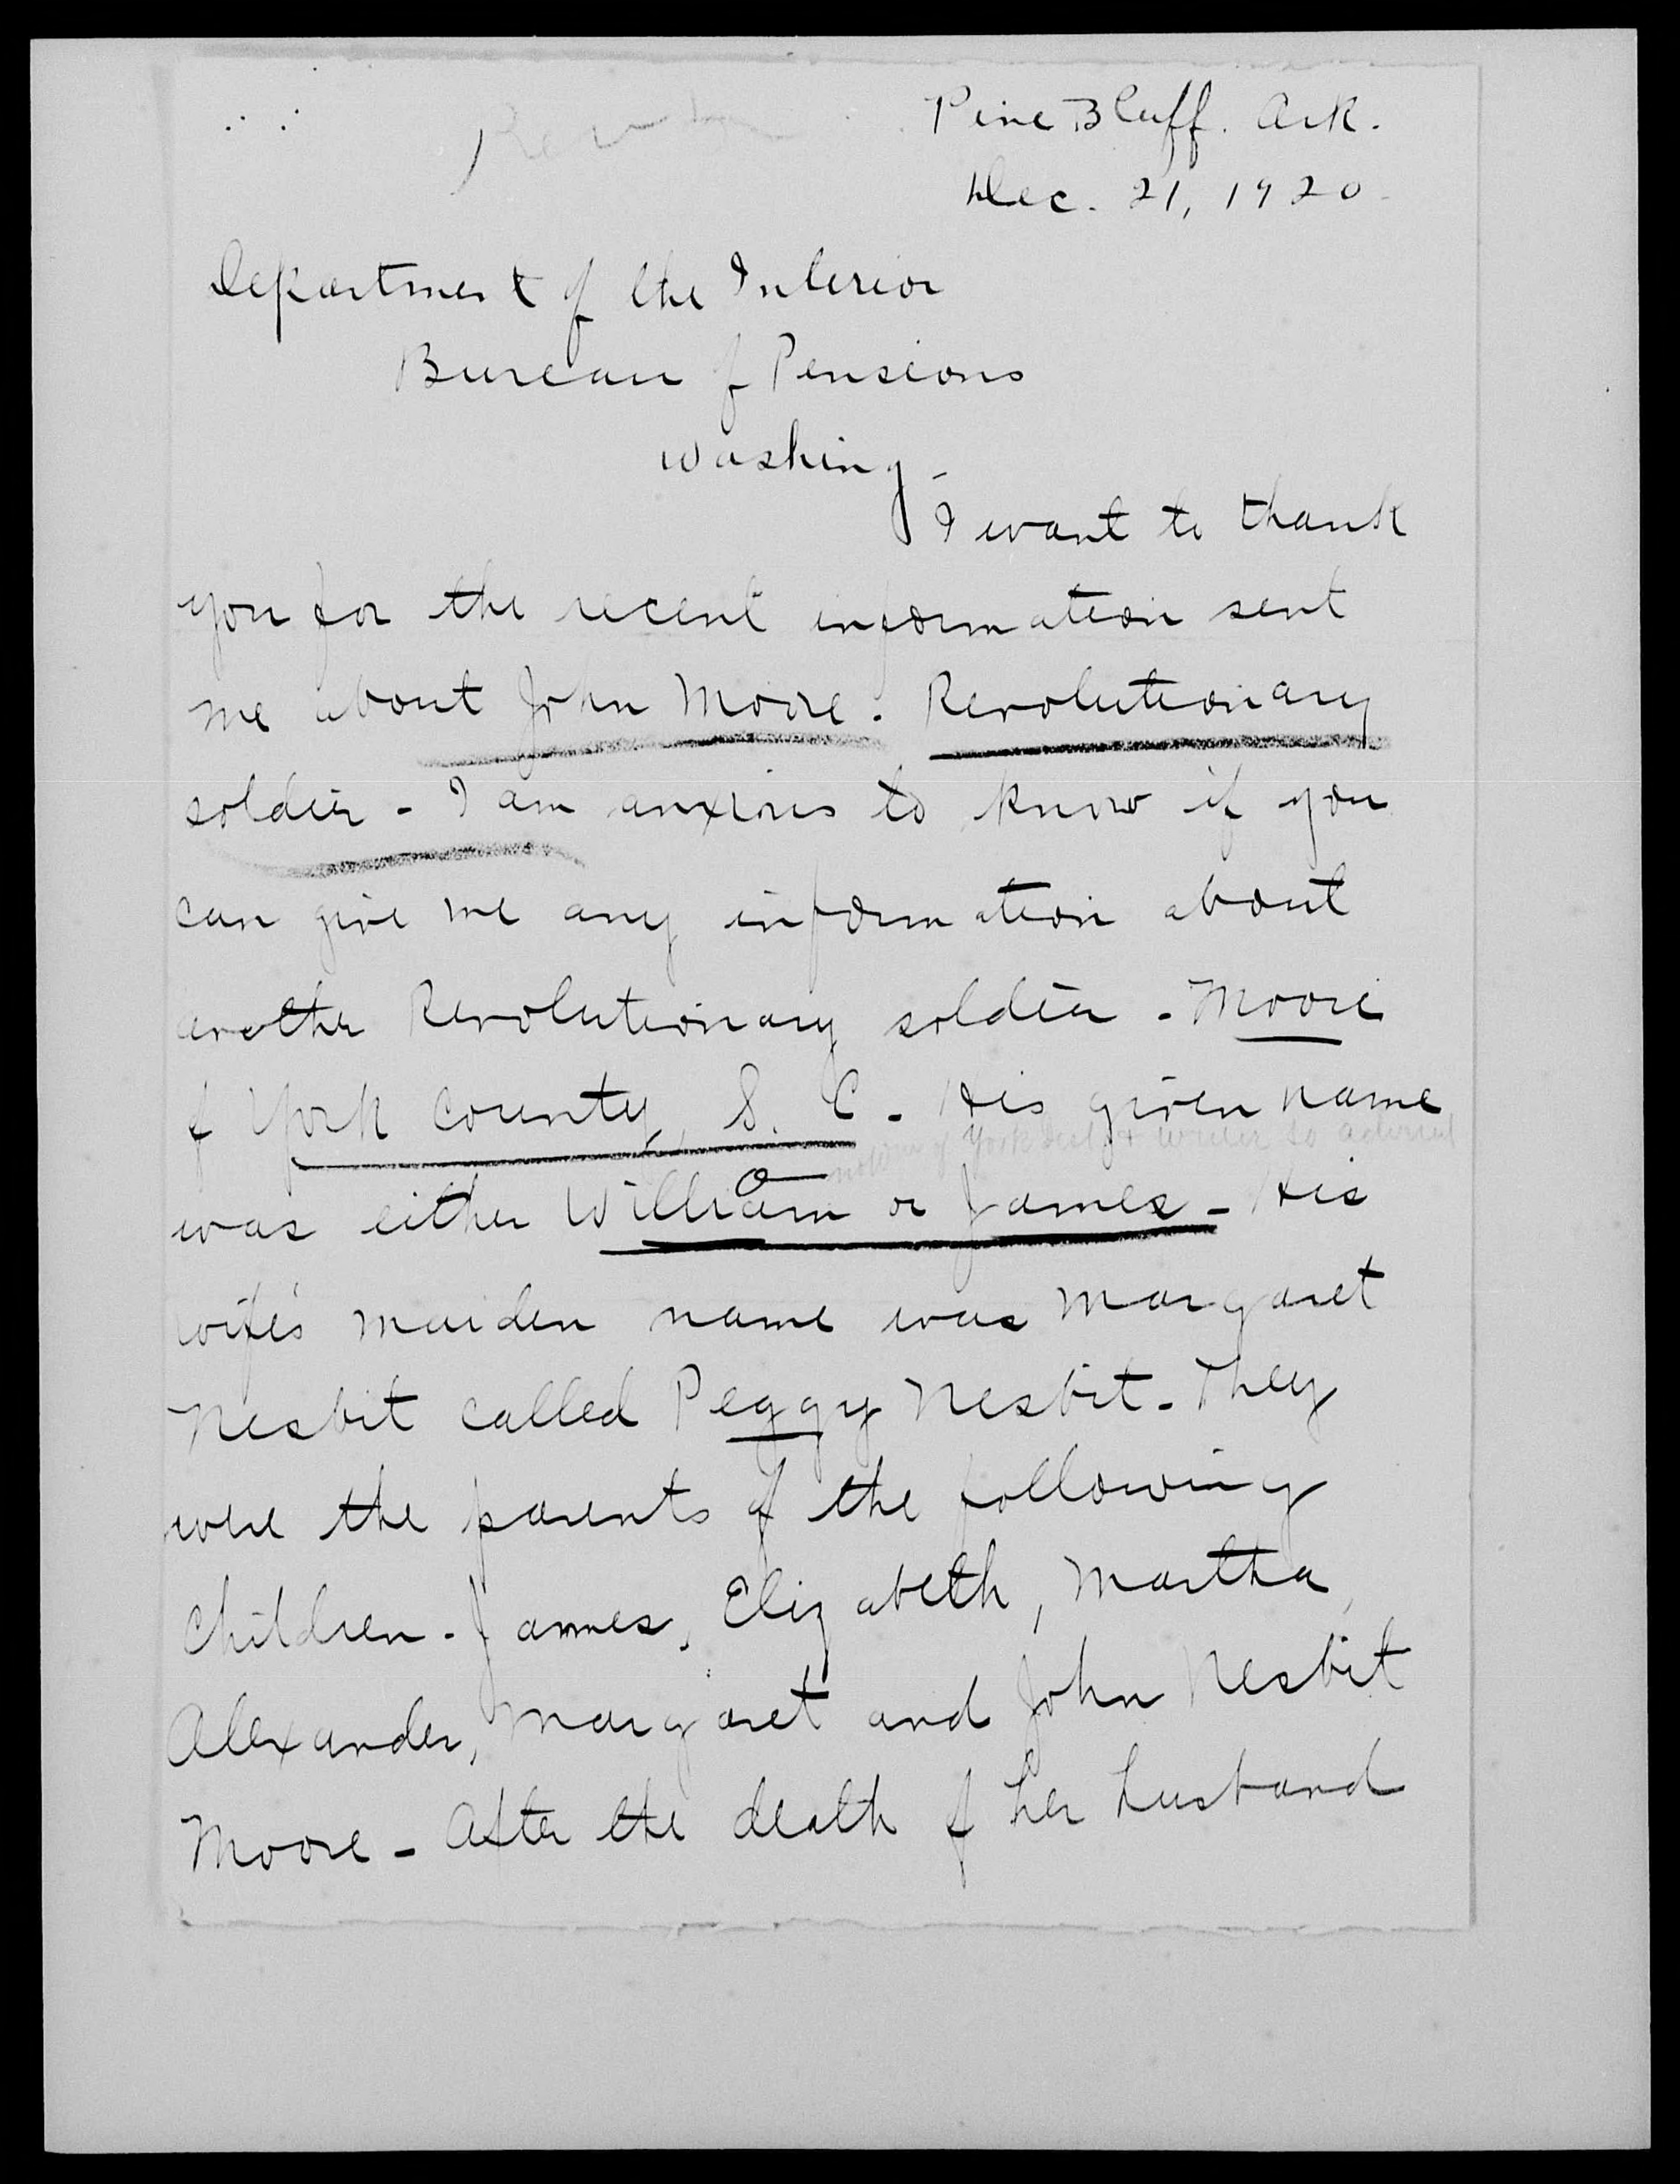Revton
Pine Bluff Ark
Dec 21 1920
Department of the Interior
Bureau of Pensions
Washing
I want to thank you for the recent information sent me about John Moore Revolutionary soldier I am anxious to know if you can give me any information about another Revolutionary soldier Moore of York county SC His given name was either William or James His wife's maiden name was Margaret Nesbit called Peggy Nesbit They were the parent of the following children James, Elizabeth, Martha Alexander, Margaret and John Nesbit Moore After the death of her husband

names: Margaret Nesbit; Alexander [BLANK]; Margaret [BLANK]; William [BLANK]; Peggy Nesbit; James [BLANK]; John Moore; John Nesbit Moore; Martha [BLANK]; Elizabeth [BLANK]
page: 10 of 17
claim: rejected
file: R 7329, for James More, South Carolina